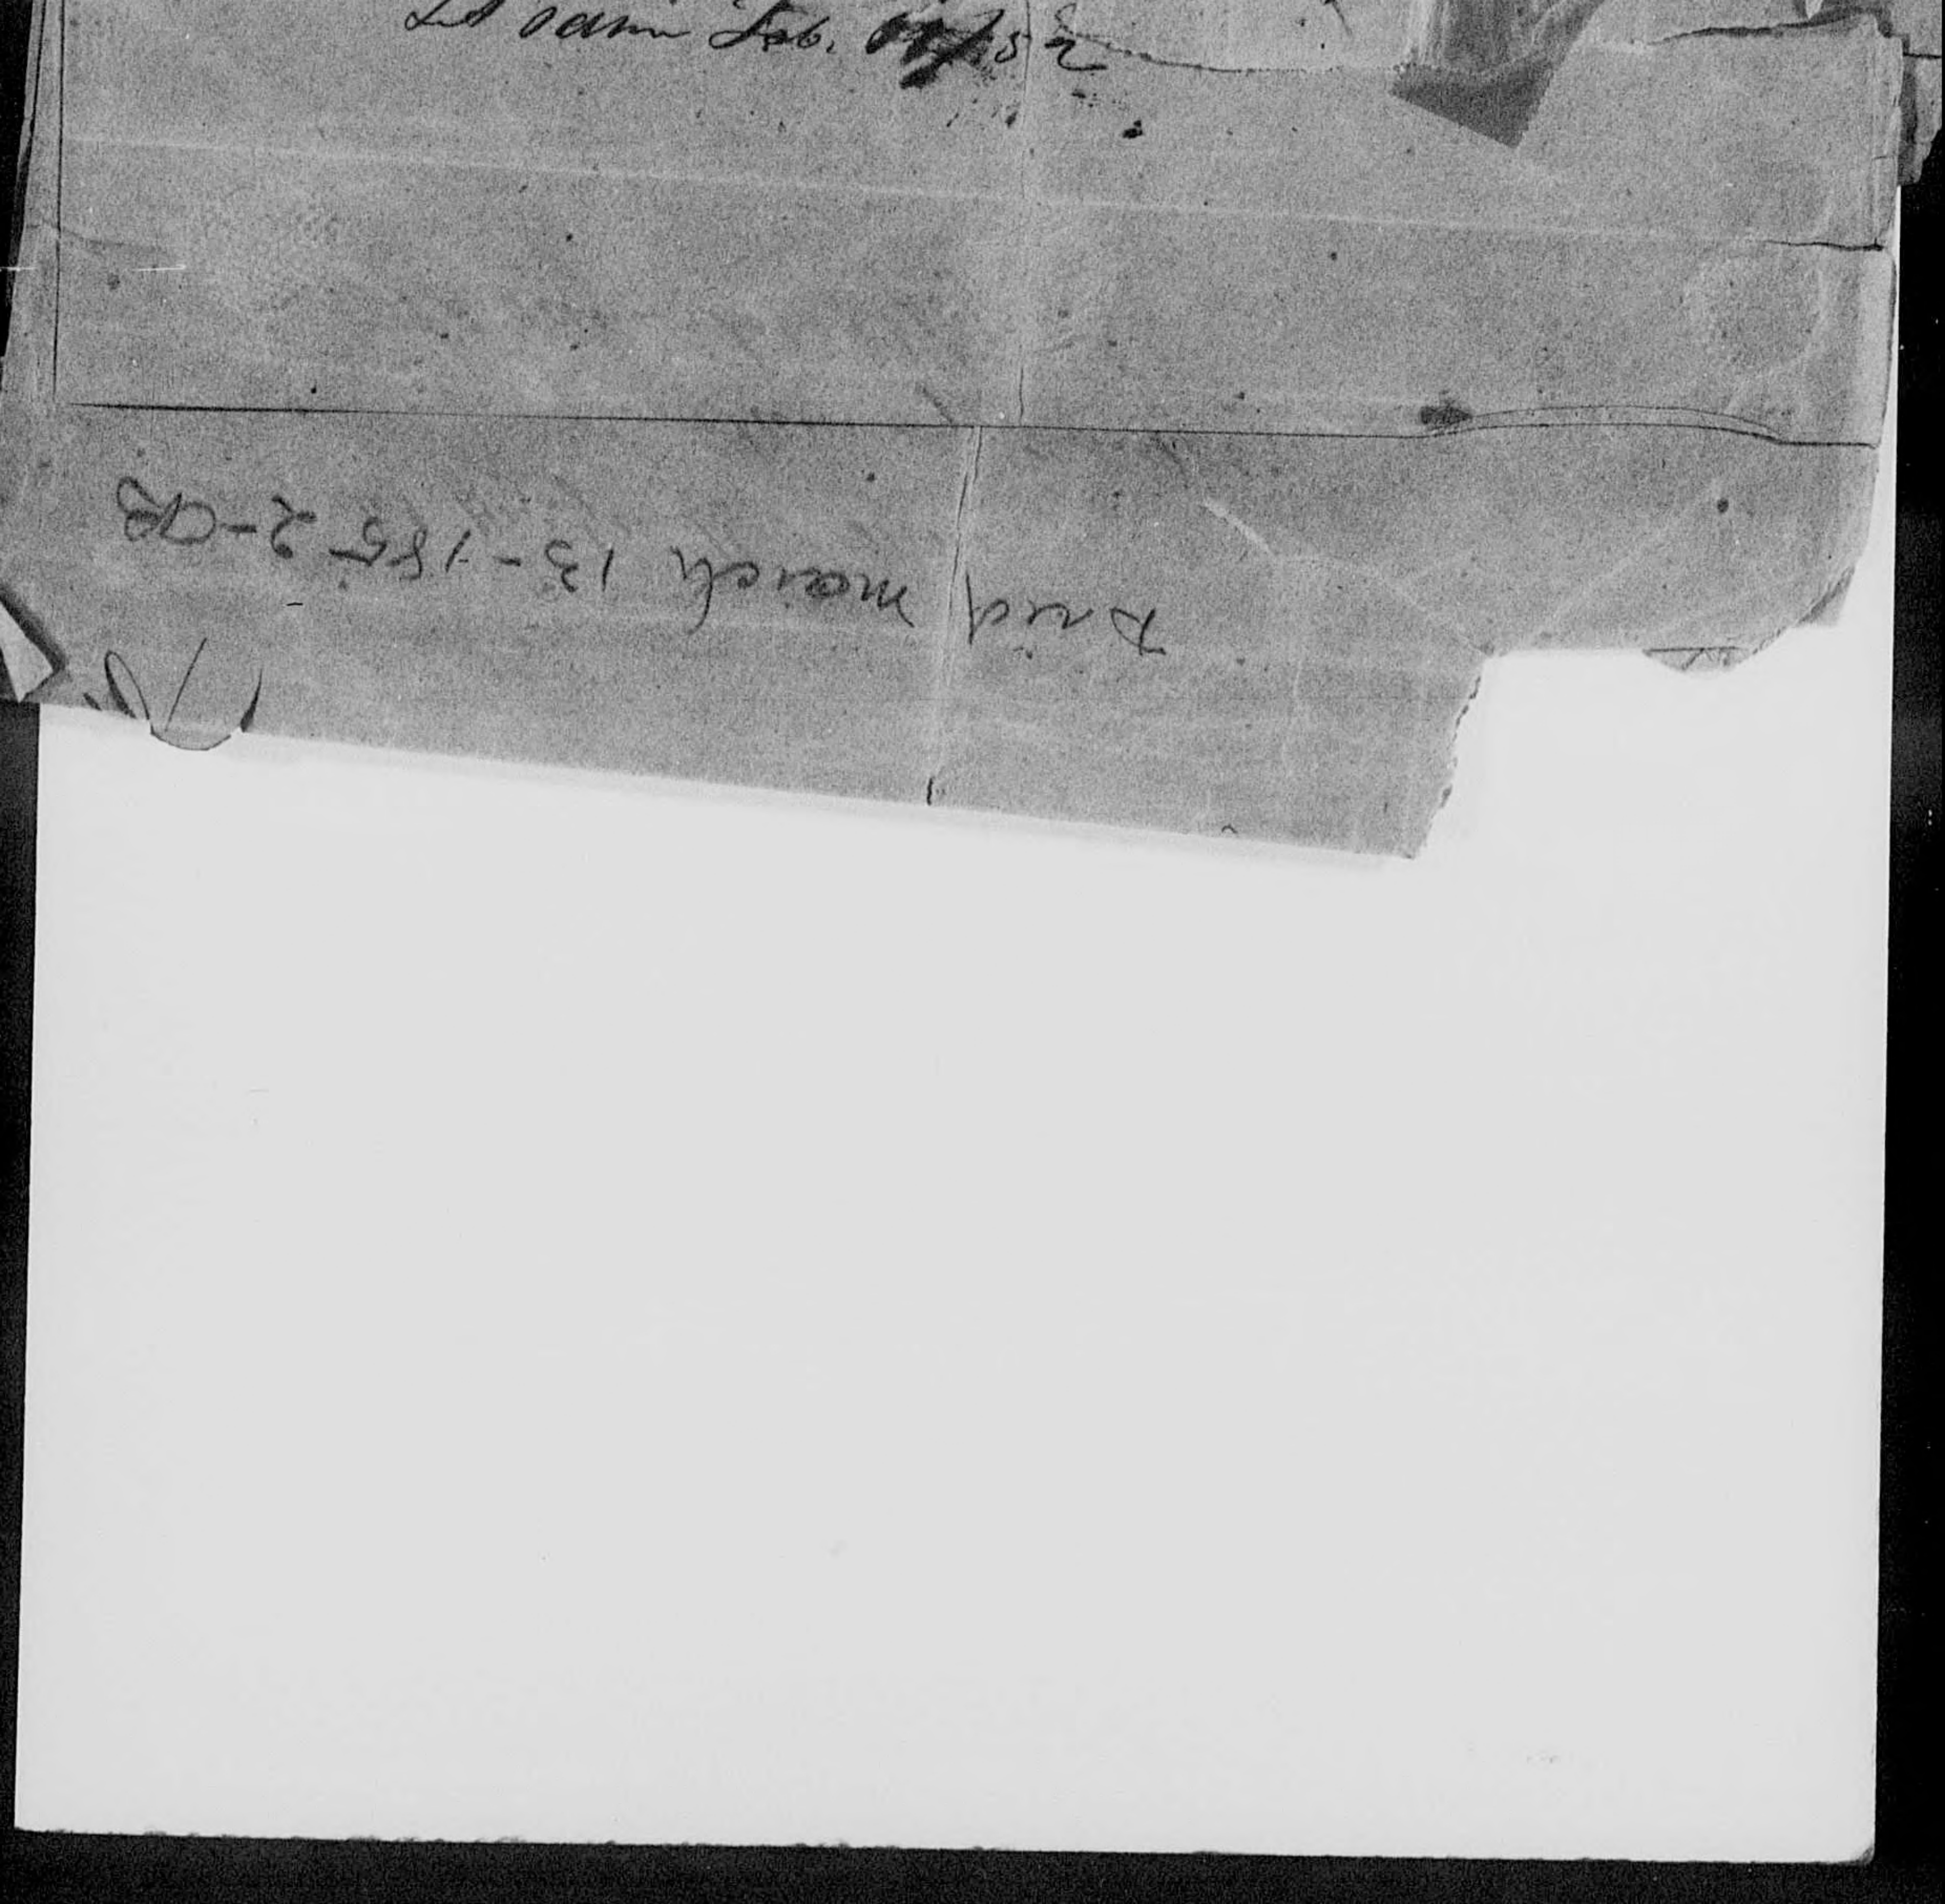did same Job [illegible smeared letters] 52

[upside down and backwards on page 
is the following writing]

Died March 13 -- 1852 -- AB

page: 51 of 267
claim: widow's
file: W. 4,149, William Campbell, Va.